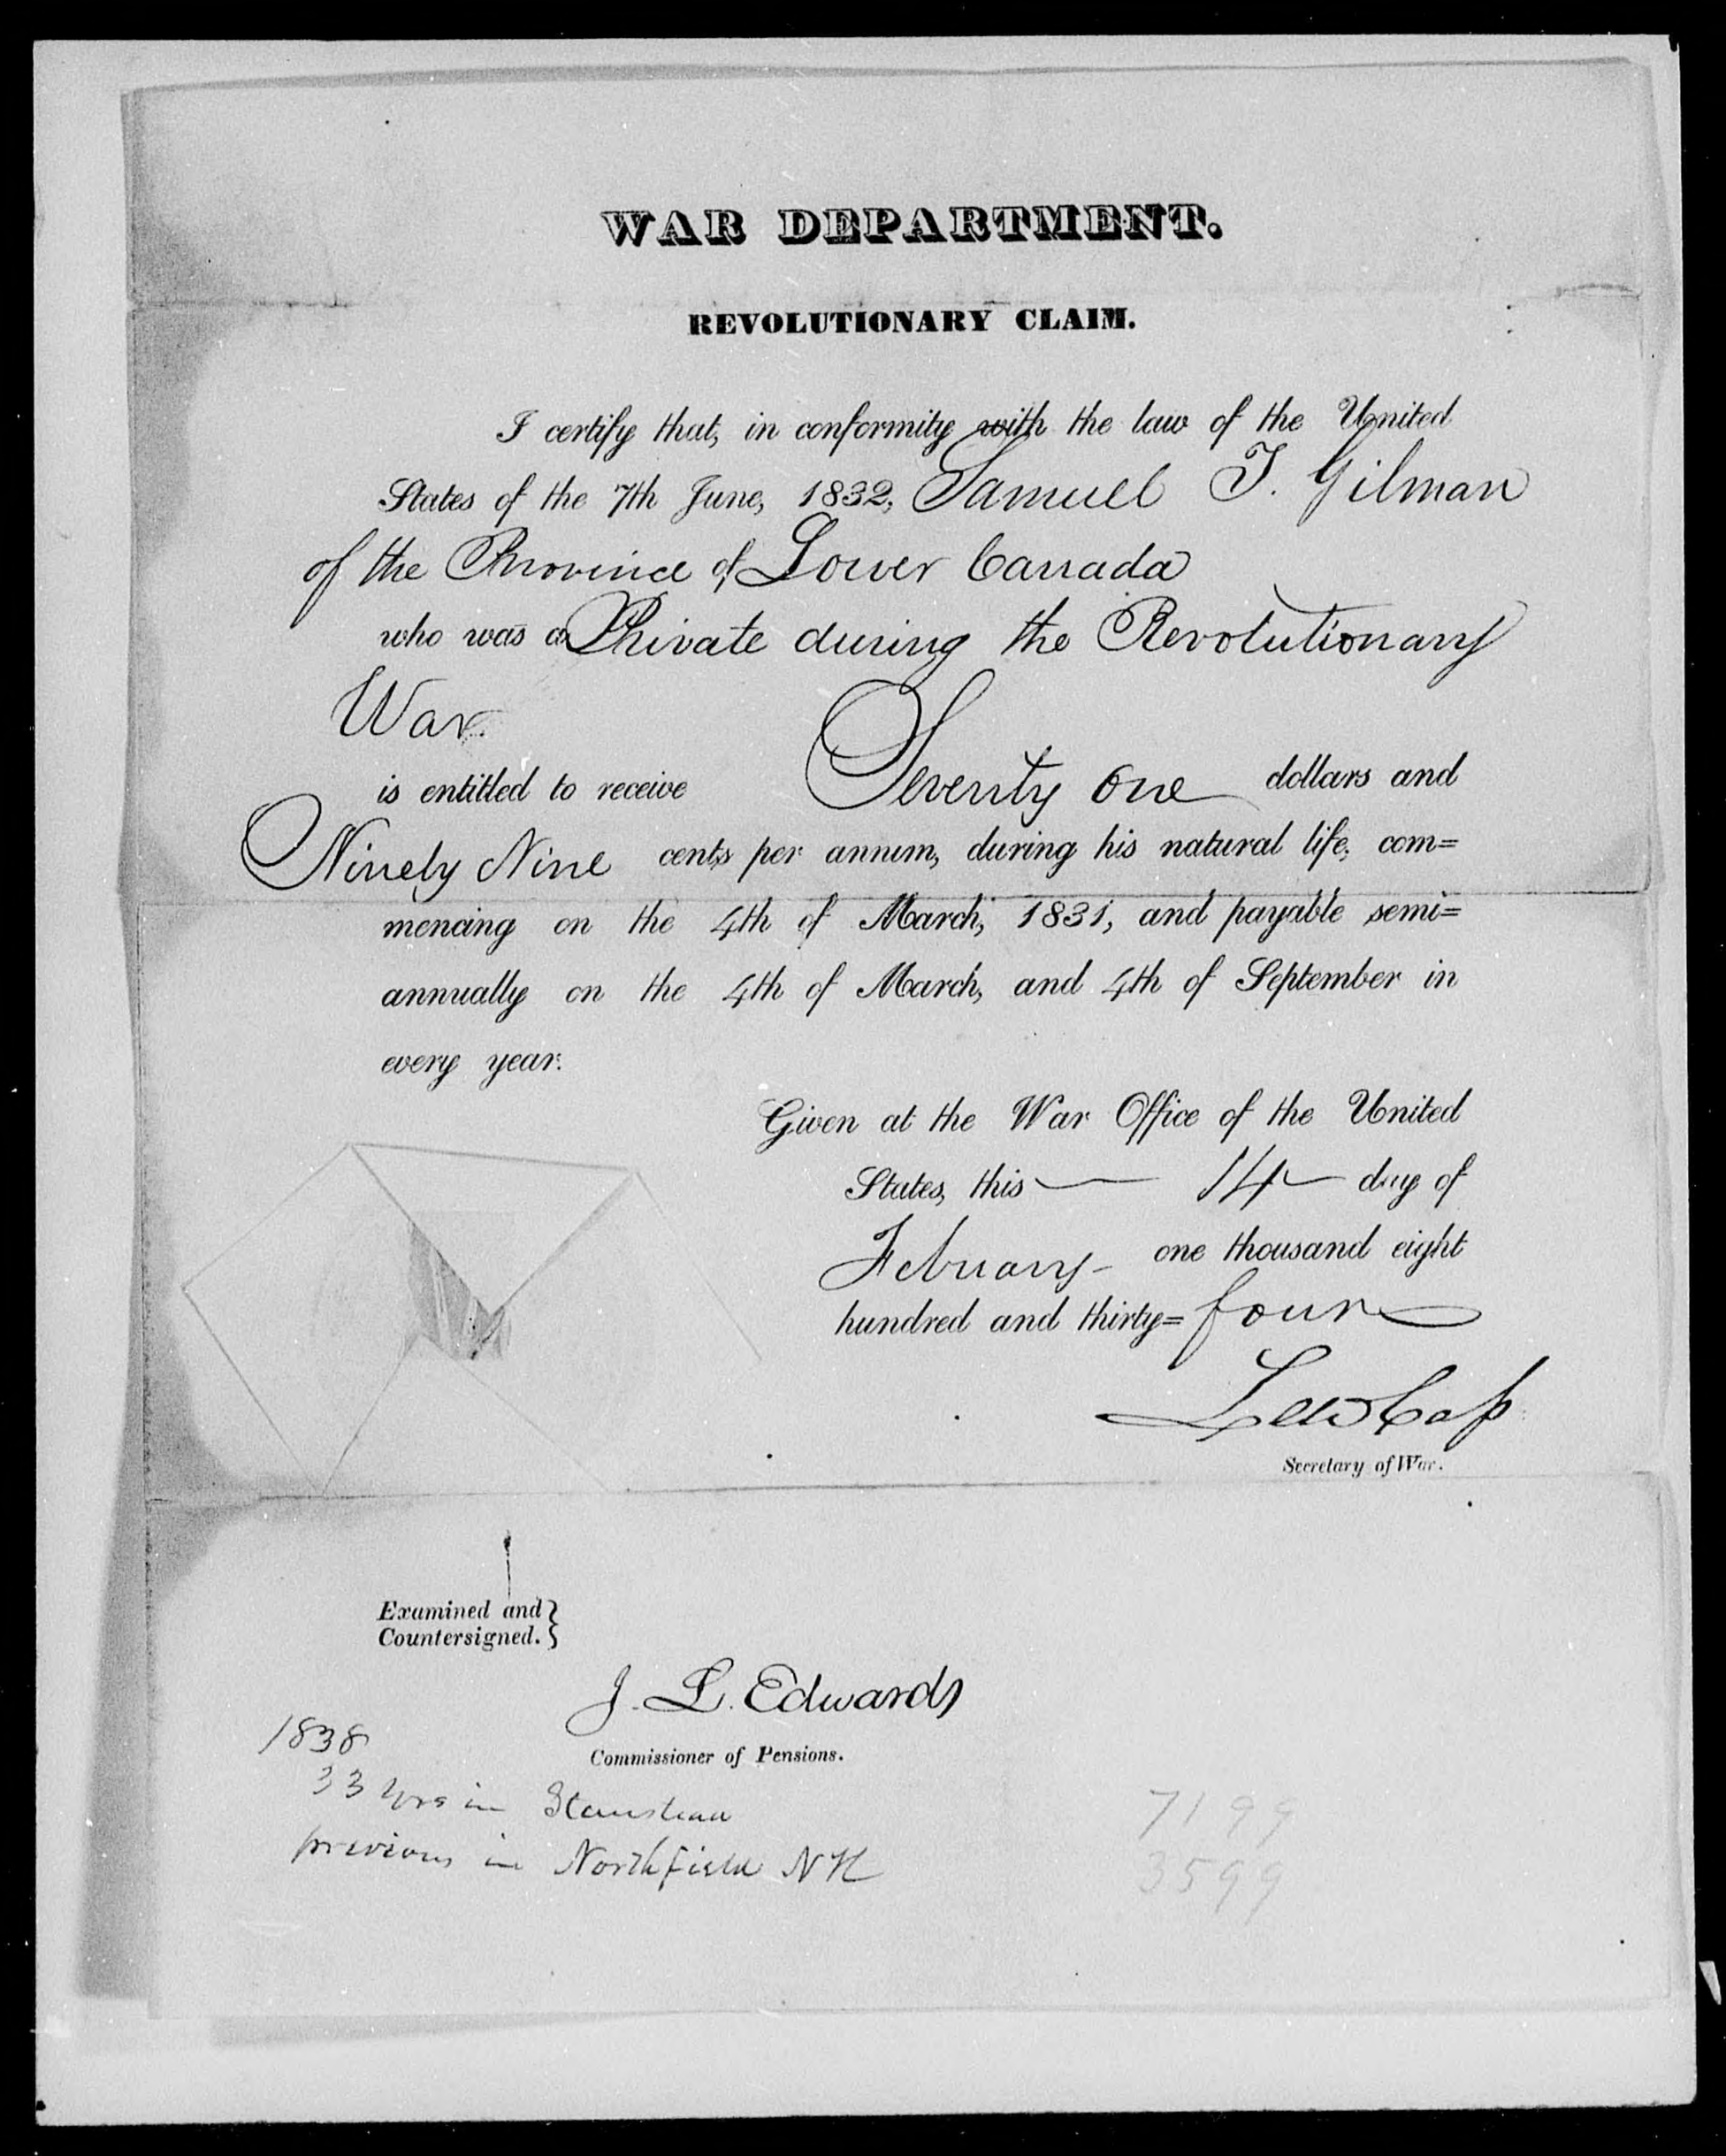WAR DEPARTMENT.
REVOLUTIONARY CLAIM.

I certify that, in conformity with the law of the United States of the 7th June, 1832, Samuel T. Gilman of the Province of Lower Canada who was a Private during the Revolutionary War is entitled to receive Seventy one dollars and Ninety Nine cents per annum, during his natural life, commencing on the 4th of March, 1831, and payable semi-annually on the 4th of March, and 4th of September in every year.

Given at the War Office of the United States, this 14th day of February one thousand eight hundred and thirty-four.
Lew Cass
Secretary of War.

Examined and Countersigned.}
J.L. Edwards
Commissioner of Pensions.
1838
33 yrs in Stansteau
previous in Northfield N.H.
7199
3599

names: Samuel T Gilman, J L Edwards, Lew Cass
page: 33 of 61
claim: widow's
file: W. 19500, Samuel Thing Gilman, Continental N.H.